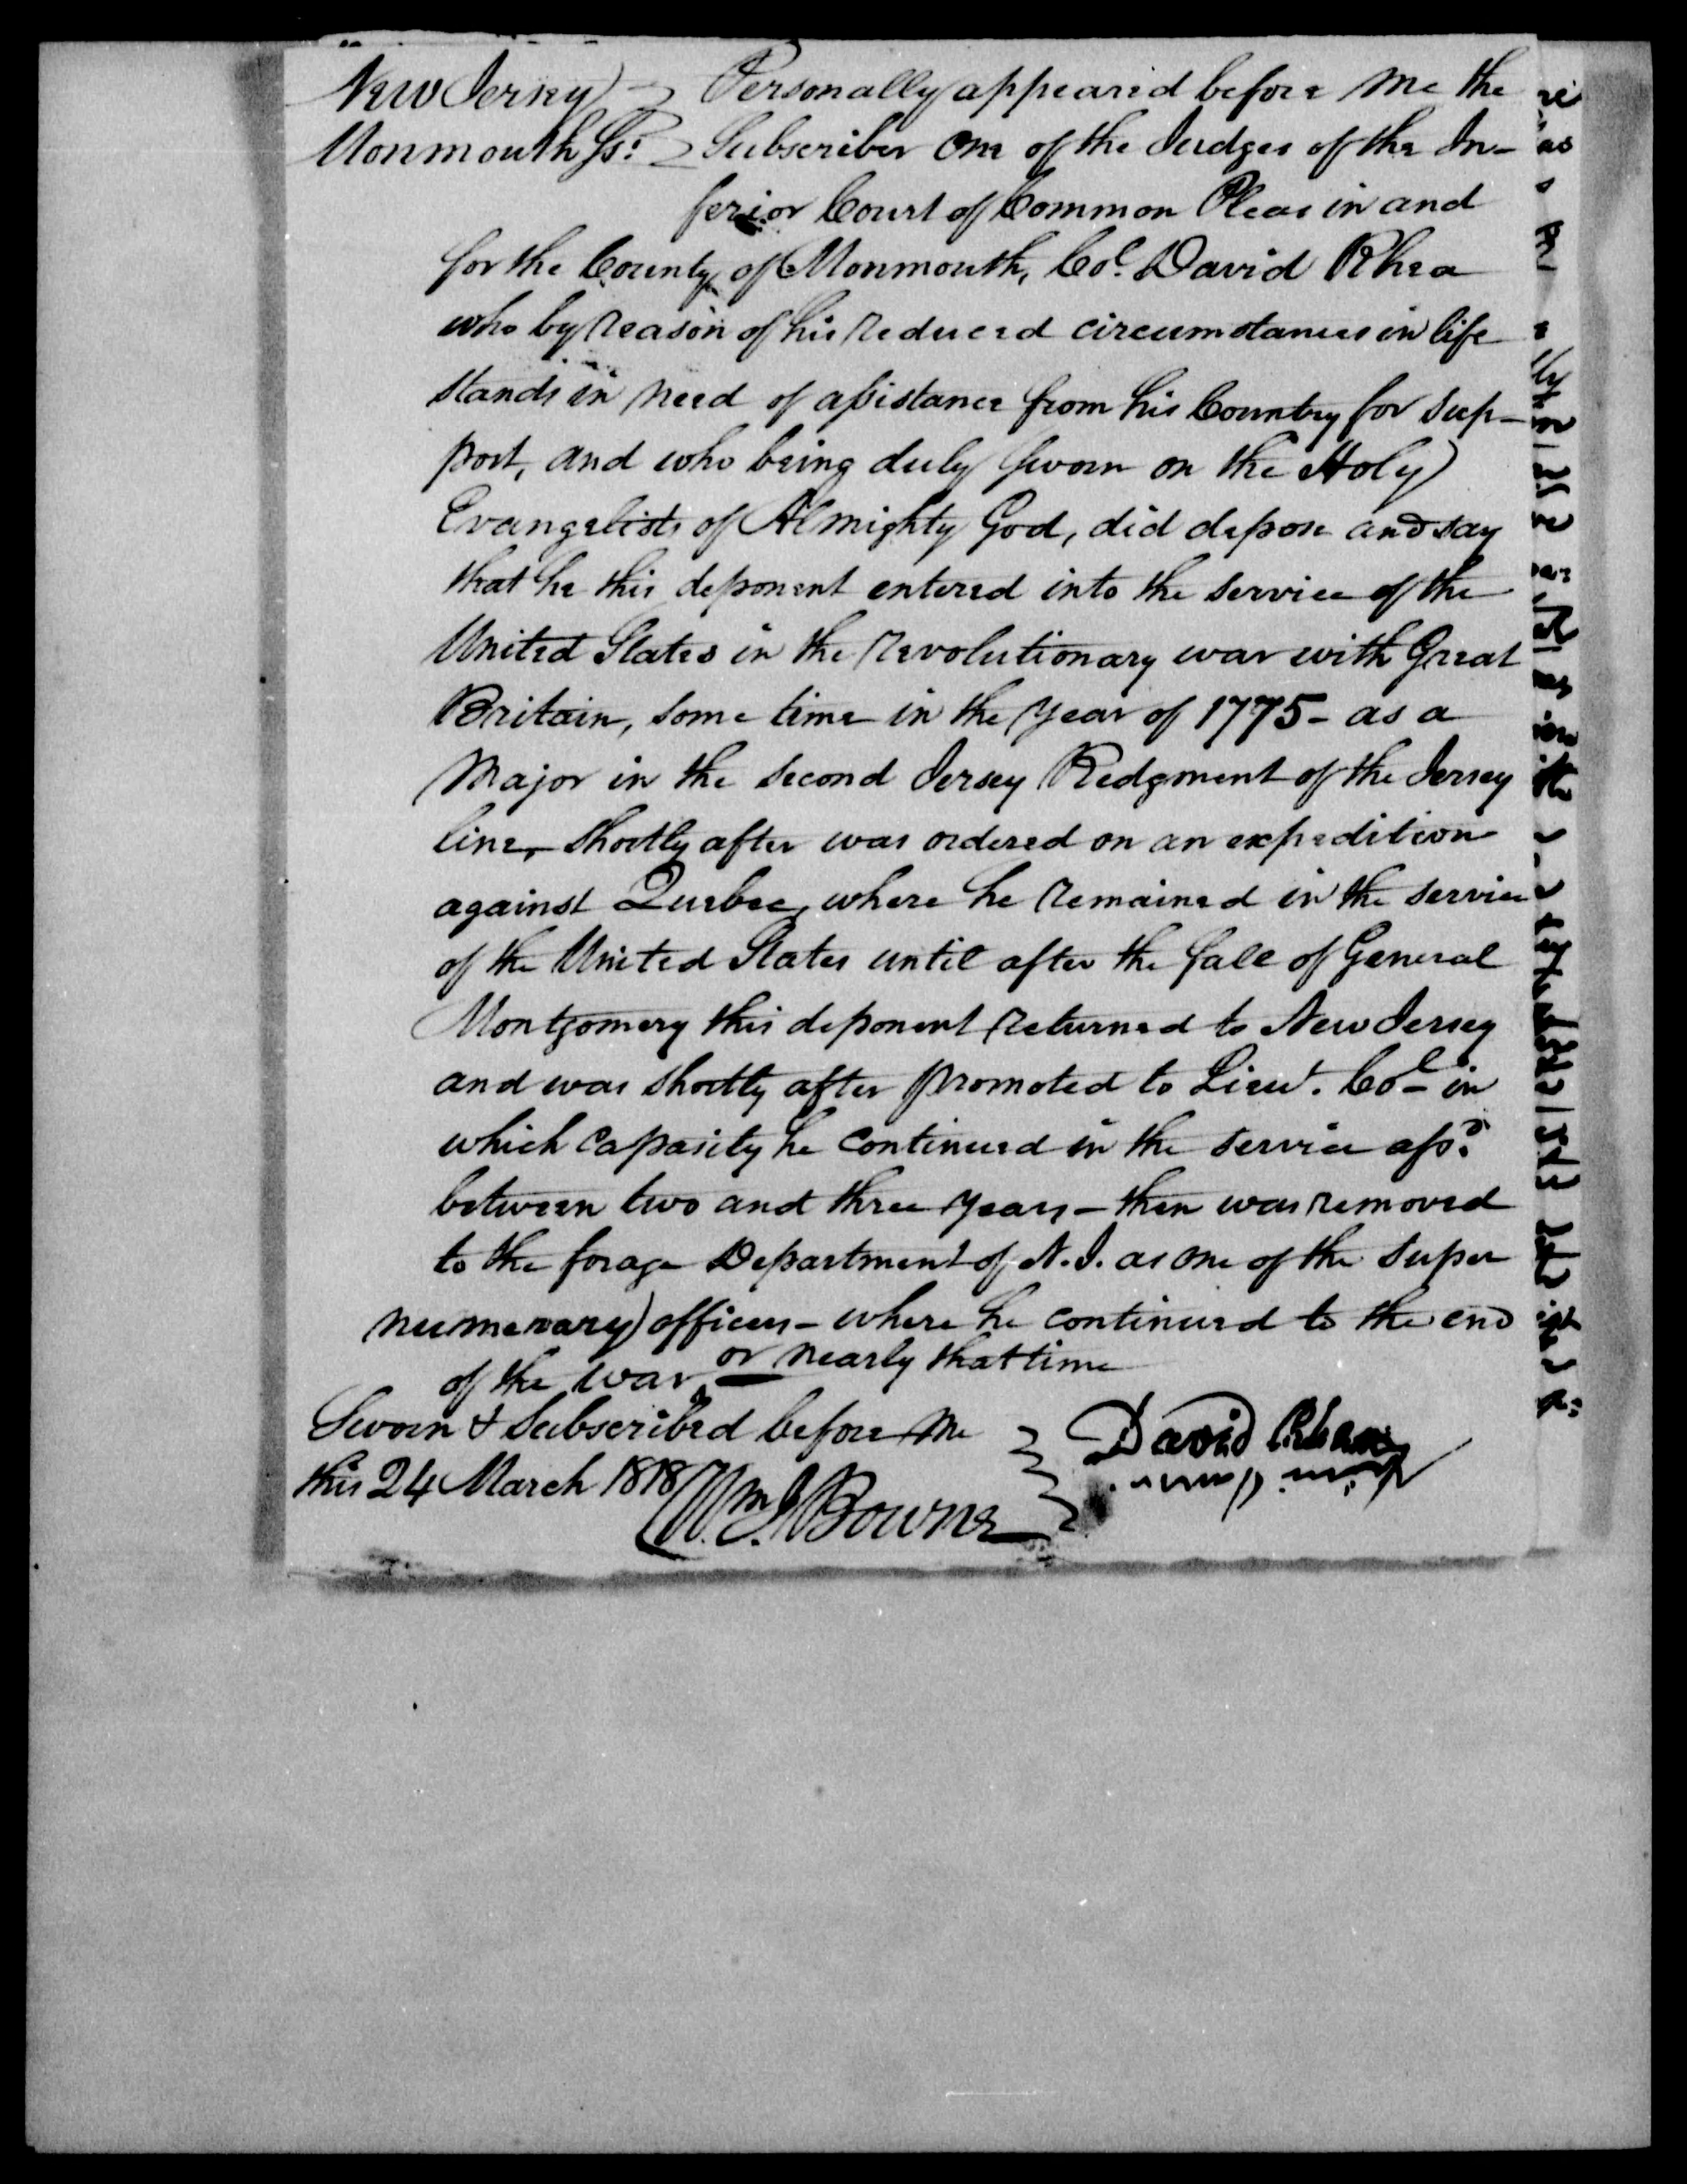New Jersey
Monmouth ss: 
Personally appeared before me the
Subscriber one of the Judges of the
Inferior Court of Common Pleas in and
for the County of Monmouth, Col. David Rhea
who by reason of his reduced circumstances in life
stands in need of assistance from his Country for
support, and who being duly sworn on the Holy
Evangelists of Almighty God, did depose and say
that he this deponent entered into the service of the
United States in the Revolutionary war with Great
Britain, some time in the year of 1775, as a
Major in the second Jersey Redgment [Regiment] of the Jersey
line, shortly after was ordered on an expedition
against Quebec, where he remained in the service
of the United States until after the fall of General
Montgomery this deponent returned to New Jersey
and was shortly after promoted to Lieut. Col in
which capacity he continued in the service afs'd [aforesaid]
between two and three years, then was removed
to the forage Department of N.J. as one of the
supernumerary officers, where he continued to the end
of the war or nearly that time

David Rhea

Sworn & Subscribed before me
this 24 March 1818

Wm J Bowne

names: David Rhea; Wm J Bowne; David Rhea; [BLANK] Montgomery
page: 3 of 21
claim: survivor's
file: S. 33,554, for David Rhea, New Jersey